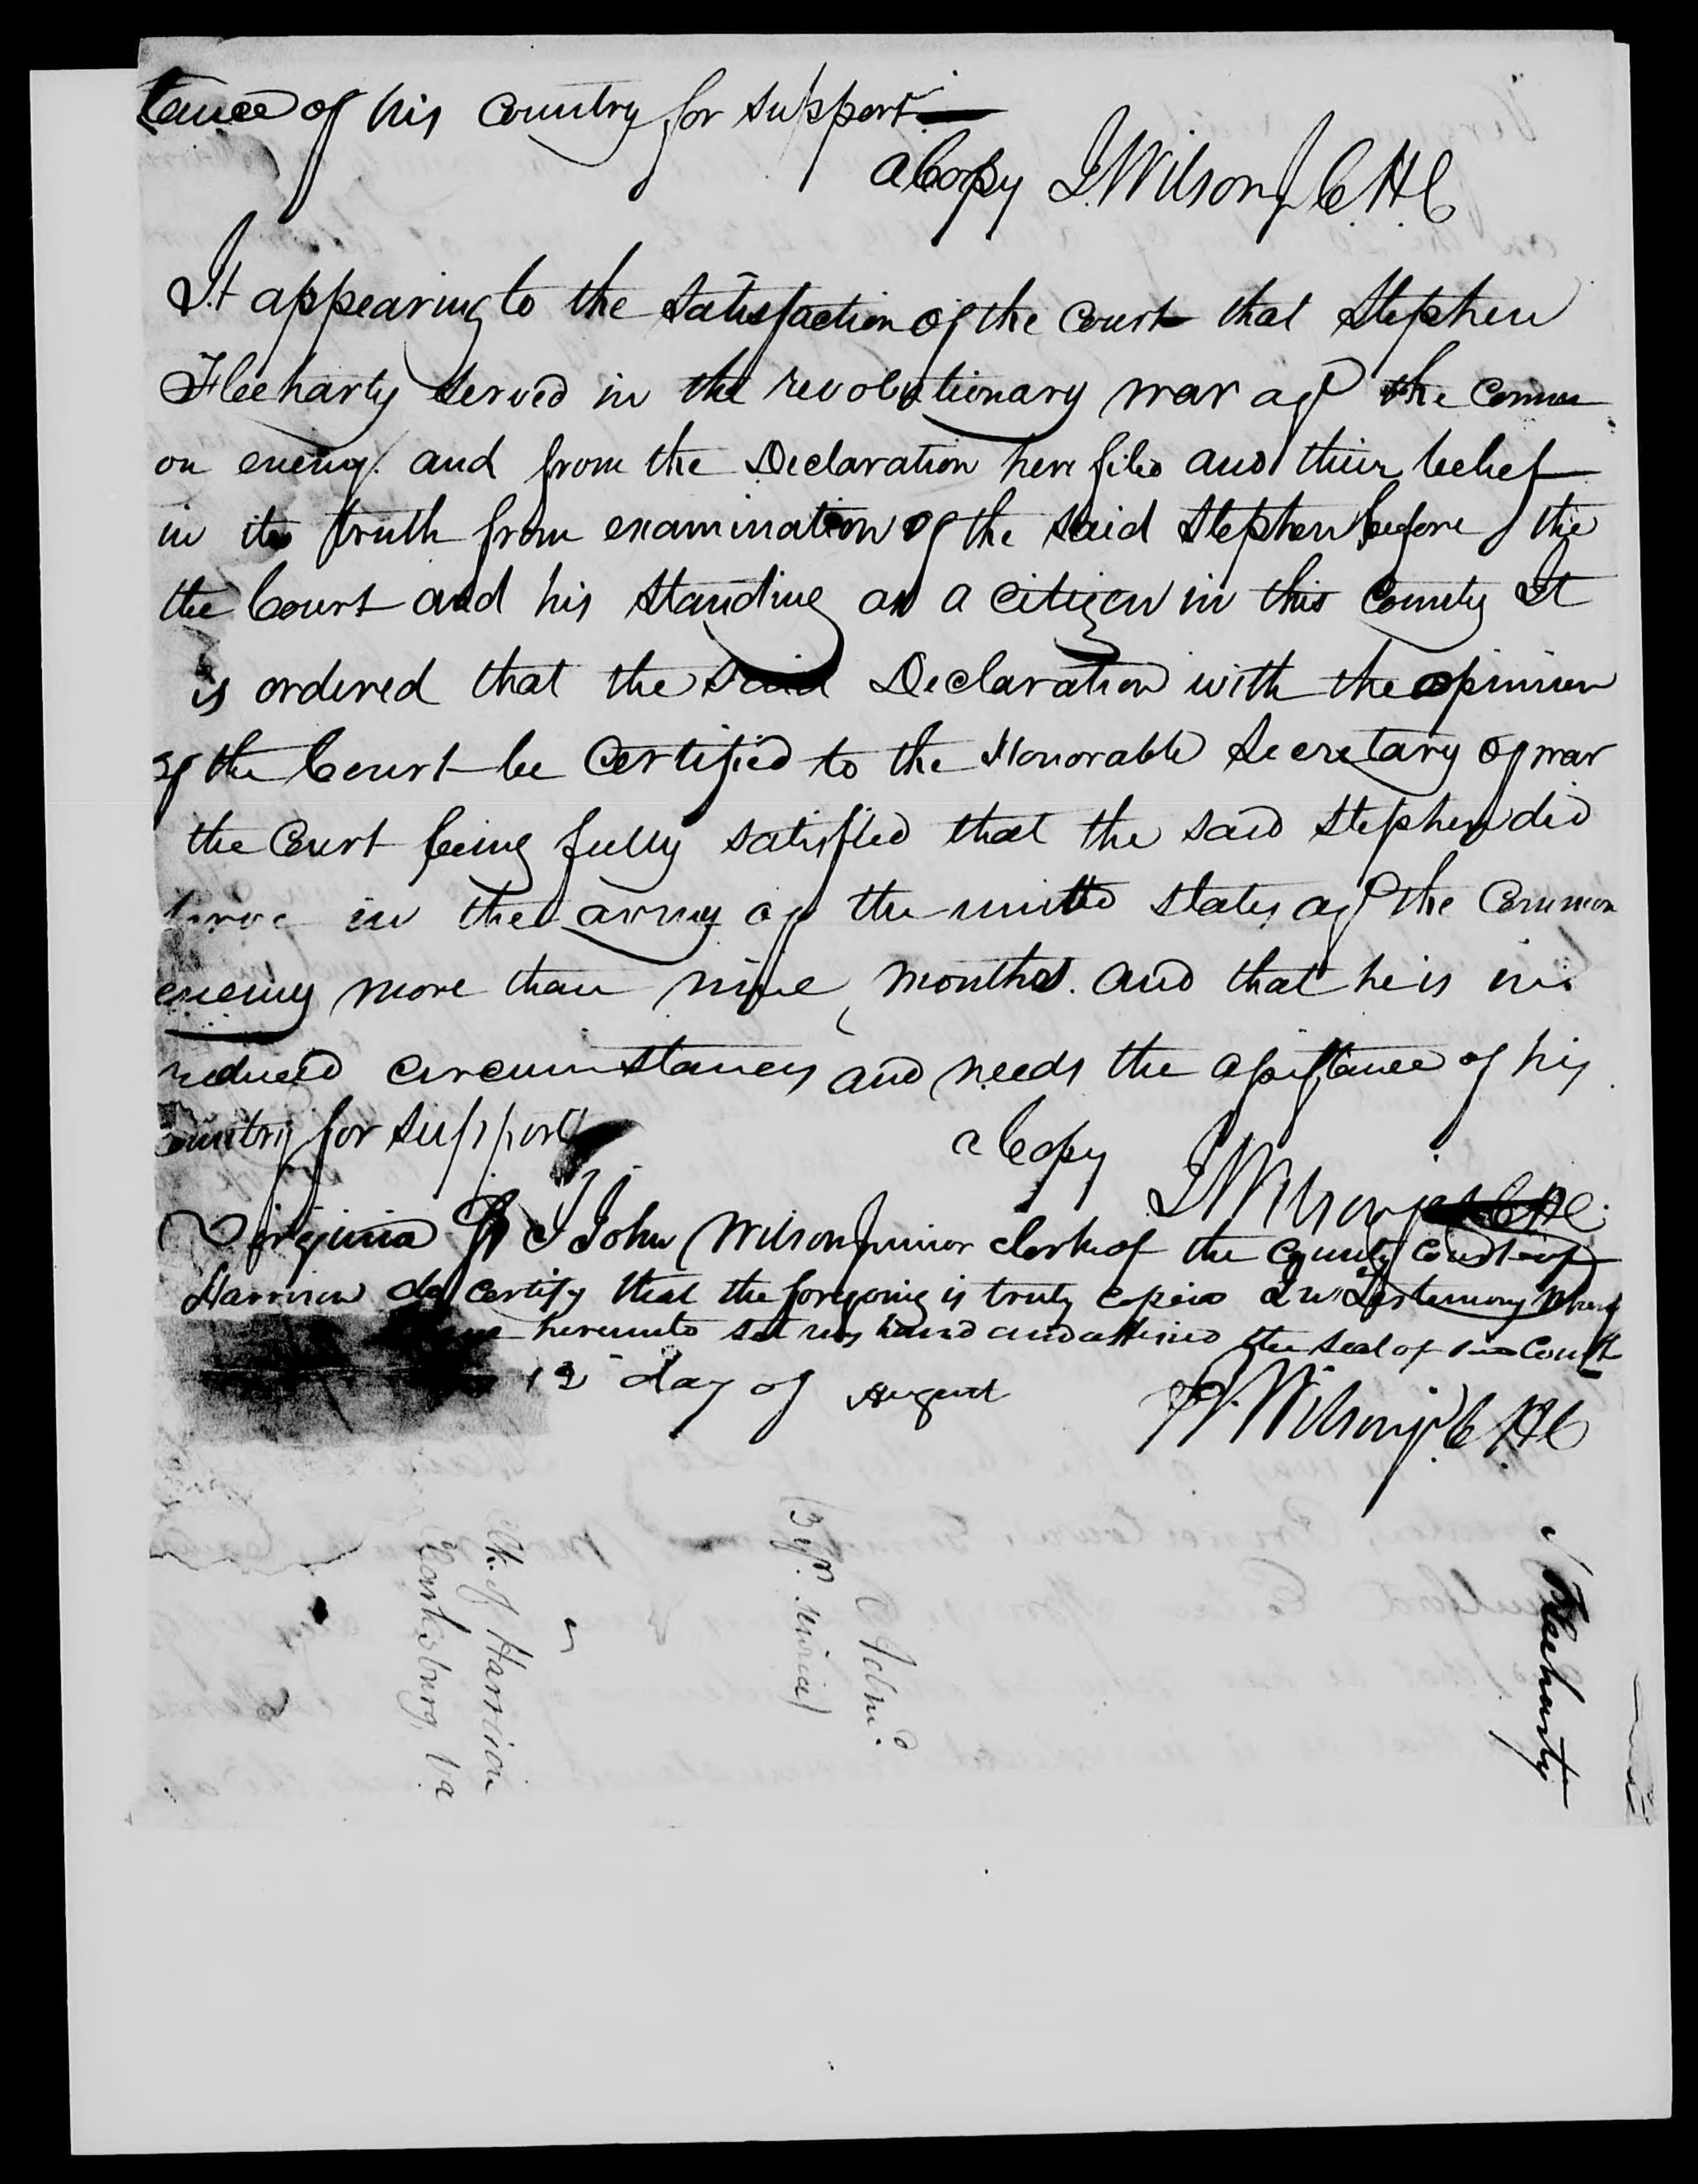of his country for support         
 a Copy J. Wilson J C H C                 
It appearing to the satisfaction of the court that Stephen Fleeharty served in the revolutionary war ag't [against] the common enemy and from the Declaration here filed and their belief in its truth from examination of the said Stephen before the Court and his standing as a citizen in this County It is ordered that the said Declaration with the opinion of the Court be Certified to the Honorable Secretary of War the Court being fully satisfied that the said Stephen did serve in the army of the United States ag't the Common enemy more than nine months and that he is in reduced circumstances and needs the assistance of his country for support. 
A Copy J Wilson Jr. C H C      
Virginia I John Wilson Junior clerk of the county court of Harrison do certify that the foregoing is truly copied and testimony     Whereof I have hereunto set my hand and affixed the seal of this Court 12 day of August                  
J Wilson C H C 
Fleeharty Admi'd. (3 yrs service) 
Clk of Harrison Clarksburg Va.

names: Stephen Fleeharty, Stephen, Harrison, John Wilson, J Fleeharty, J Wilson, J Wilson, J Wilson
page: 5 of 14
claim: survivor's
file: S. 39529, Stephen Fleeharty, Md.